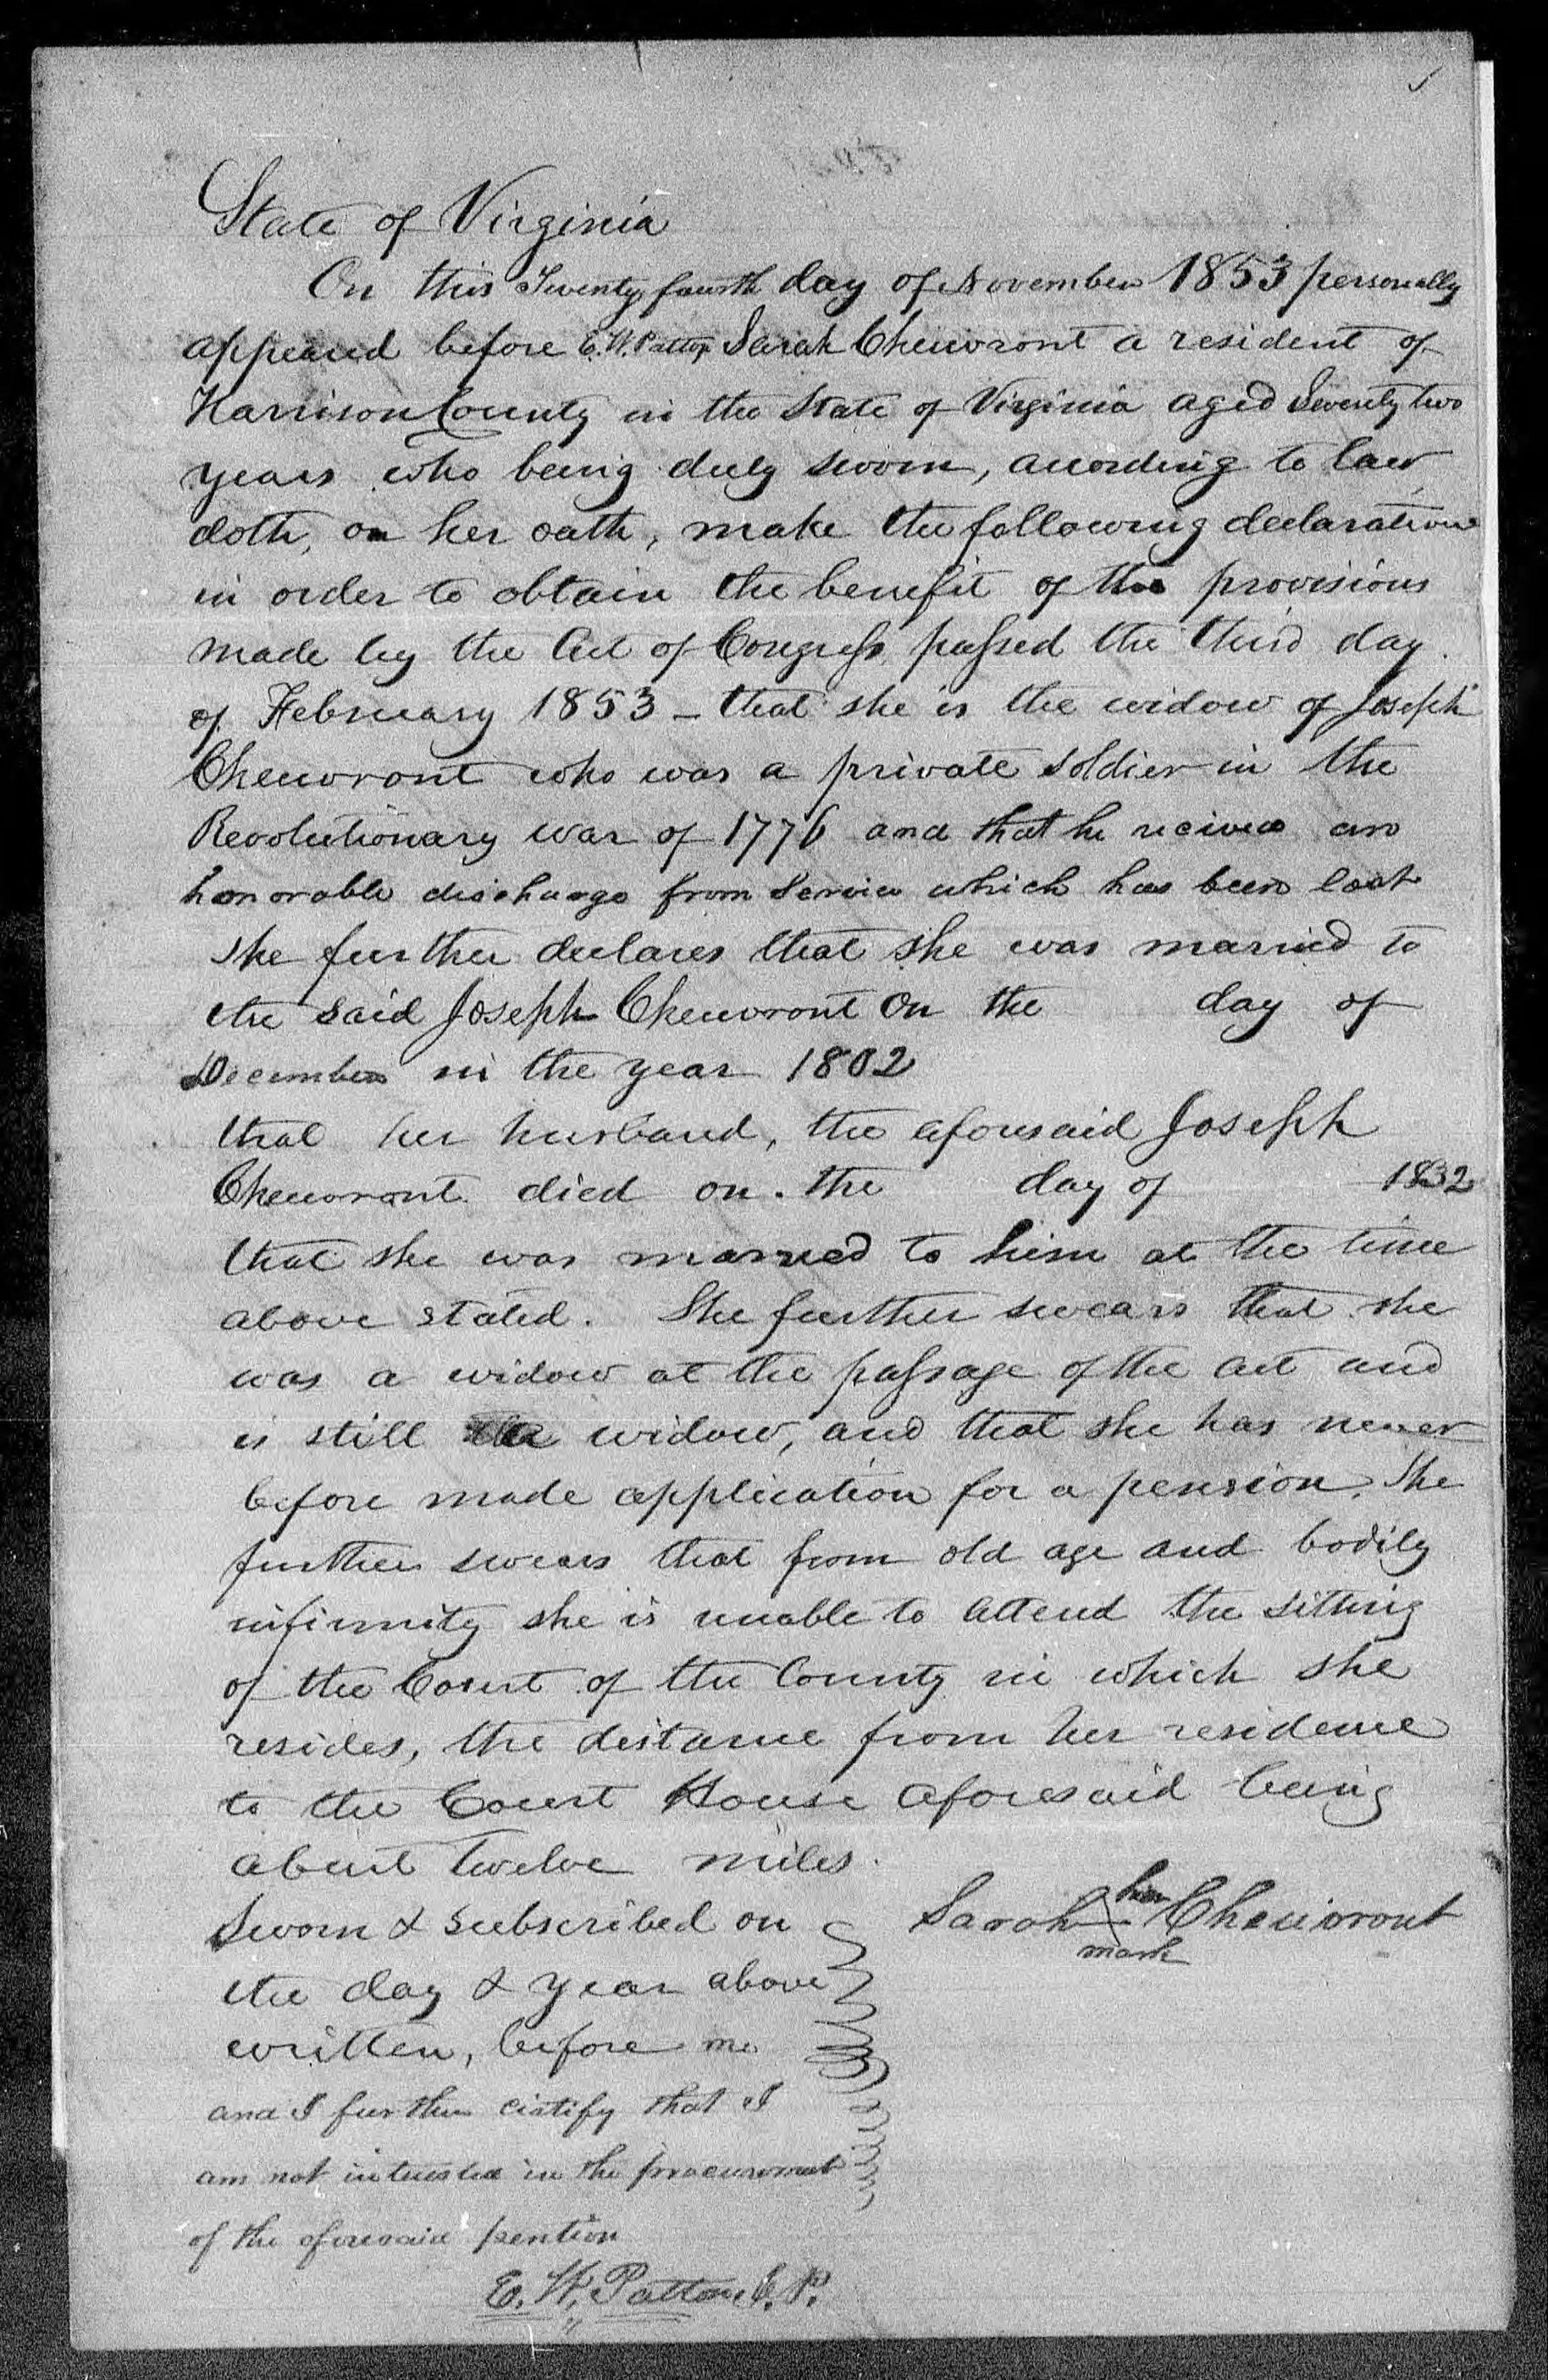State of Virginia
On this Twenty fourth day of November 1853 personally
appeared before E.W. Patton Sarah Cheuvront a resident of
Harrison County in the State of Virginia aged Seventy two
years who being duly sworn, according to law
doth, on her oath, make the following declaration
in order to obtain the benefit of the provisions
made by the Act of Congress passed the third day
of February 1853 - that she is the widow of Joseph
Cheuvront who was a private soldier in the
Revolutionary war of 1776 and that he recived an
honorable discharge from service which has been lost
she further declares that she was married to
the said Joseph Cheuvront on the [blank space]day of
December in the year 1802
that her husband, the aforesaid Joseph
Cheuvront died on the [blank space] day of [blank space]1832
that she was married to him at the time
above stated. She further swears that she
was a widow at the passage of the act and
is still a widow, and that she has never
before made application for a pension. She
further swears that from old age and bodily
infirmity she is unable to attend the sitting
of the Court of the County in which she
resides, the distance from her residence
to the Court House aforesaid being
about twelve miles
 Sarah Cheuvront  [there is an X next to Sarah and the words her above the X and mark below the X, meaning the X is her mark (signature)]
Sworn & subscribed on
the day & year above
written, before me
and I further certify that I
am not interested in the procurement
of the aforesaid pention
E. W. Patton J.P.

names: Joseph Cheuvront, Sarah Cheuvront, Sarah Cheuvront, E W Patton, Joseph Cheuvront, E W Patton, Joseph Cheuvront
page: 8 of 21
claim: rejected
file: R. 1,907, Joseph Cheuvront, Va.